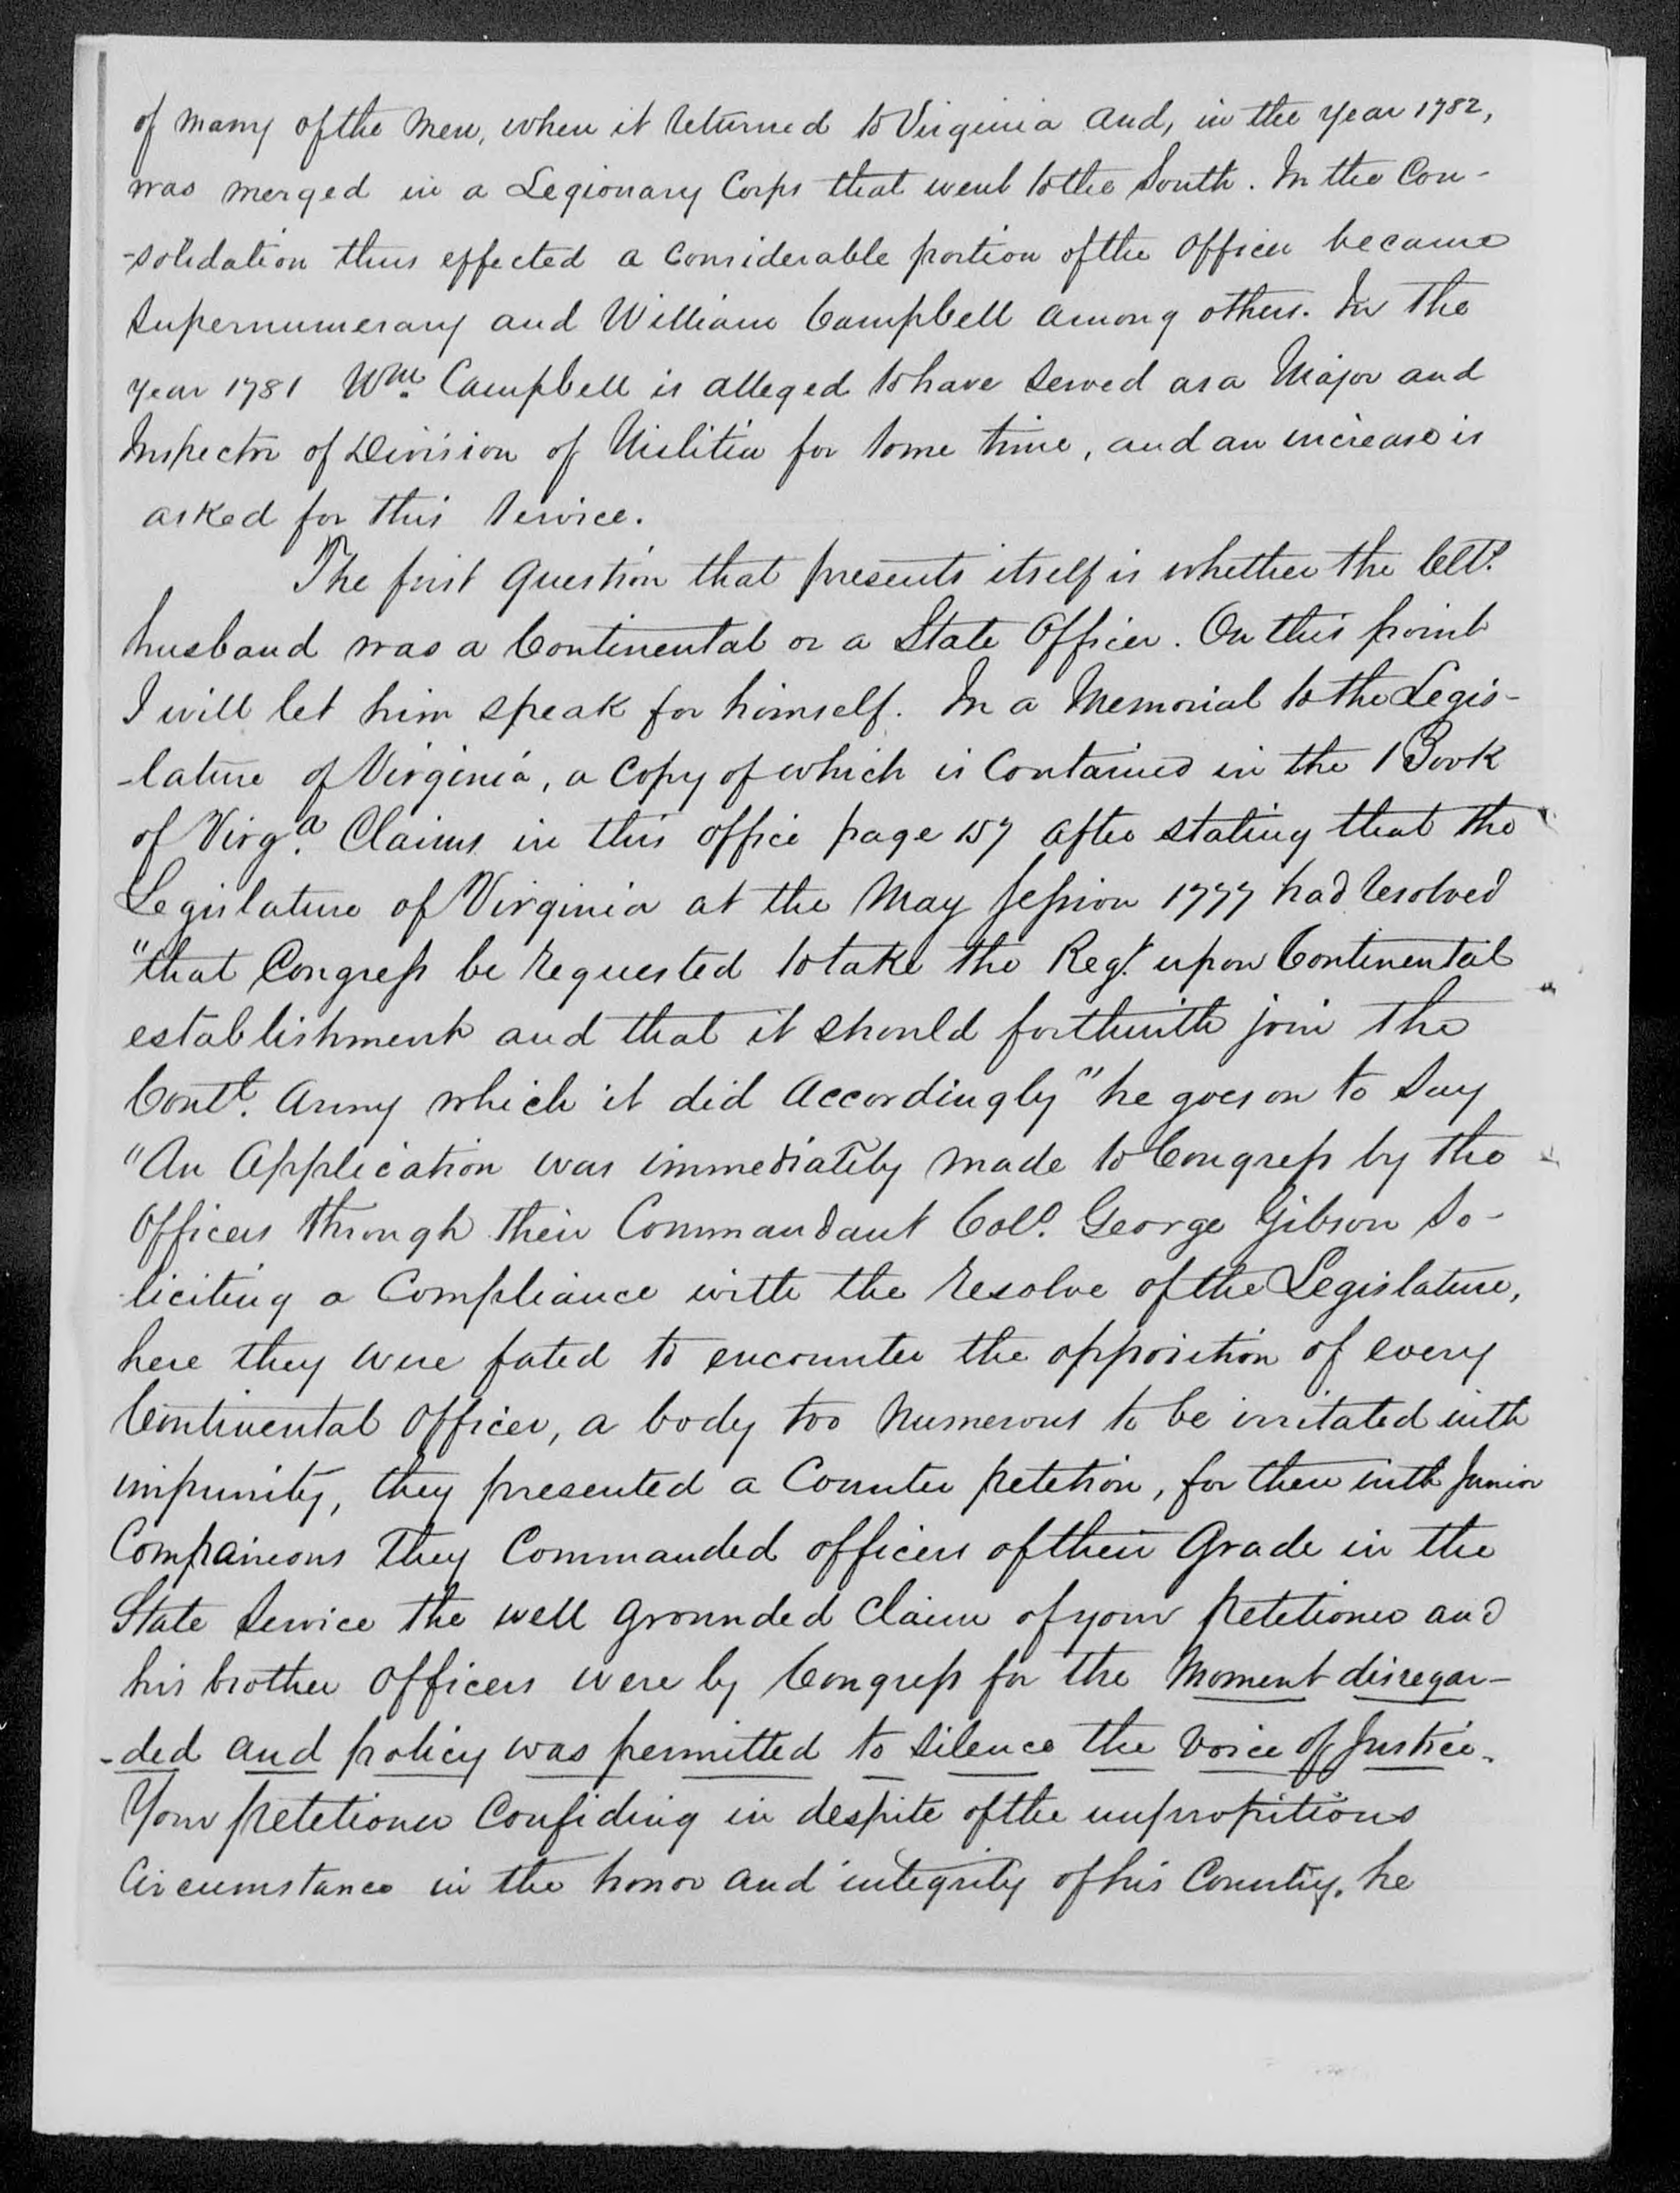of many of the men, when it returned to Virginia and, in the year 1782, was merged in a Legionary Corps that went to the South. In the Consolidation thus effected a considerable portion of the Officers became Supernumerary and William Campbell among others. In the year 1781 Wm. Campbell is alleged to have served as a Major and Inspector of Division of Militia for some time, and an increase is asked for this service.
The first Question that presents itself is whether the Clts. husband was a Continental or a State Officer. On this point I will let him speak for himself. In a Memorial to the Legislature of Virginia, a Copy of which is Contained in the Book of Virga. Claims in this office page 157 after stating that the Legislature of Virginia at the May Session 1777 had resolved "that Congress be requested to take the Regt. upon Continental establishment and that it should forthwith join the Contl. Army which it did Accordingly" he goes on to Say "An Application was immediately made to Congress by the Officers through their Commandant Colo. George Gibson Soliciting a Compliance with the resolve of the Legislature, here they were fated to encounter the application of every Continental Officer, a body too numerous to be irritated with impunity, they presented a Counter petition, for them with Junior Companies They Commanded officers of their Grade in the State Service the well grounded claim of your petitioner and his brother Officers were by Congress for the moment disregarded and policy was permitted to silence the voice of Justice. Your petition Confiding in despite of the unpropitious Circumstances in the honor and integrity of his Country, he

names: Wm Campbell, George Gibson, William Campbell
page: 162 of 267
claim: widow's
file: W. 4,149, William Campbell, Va.